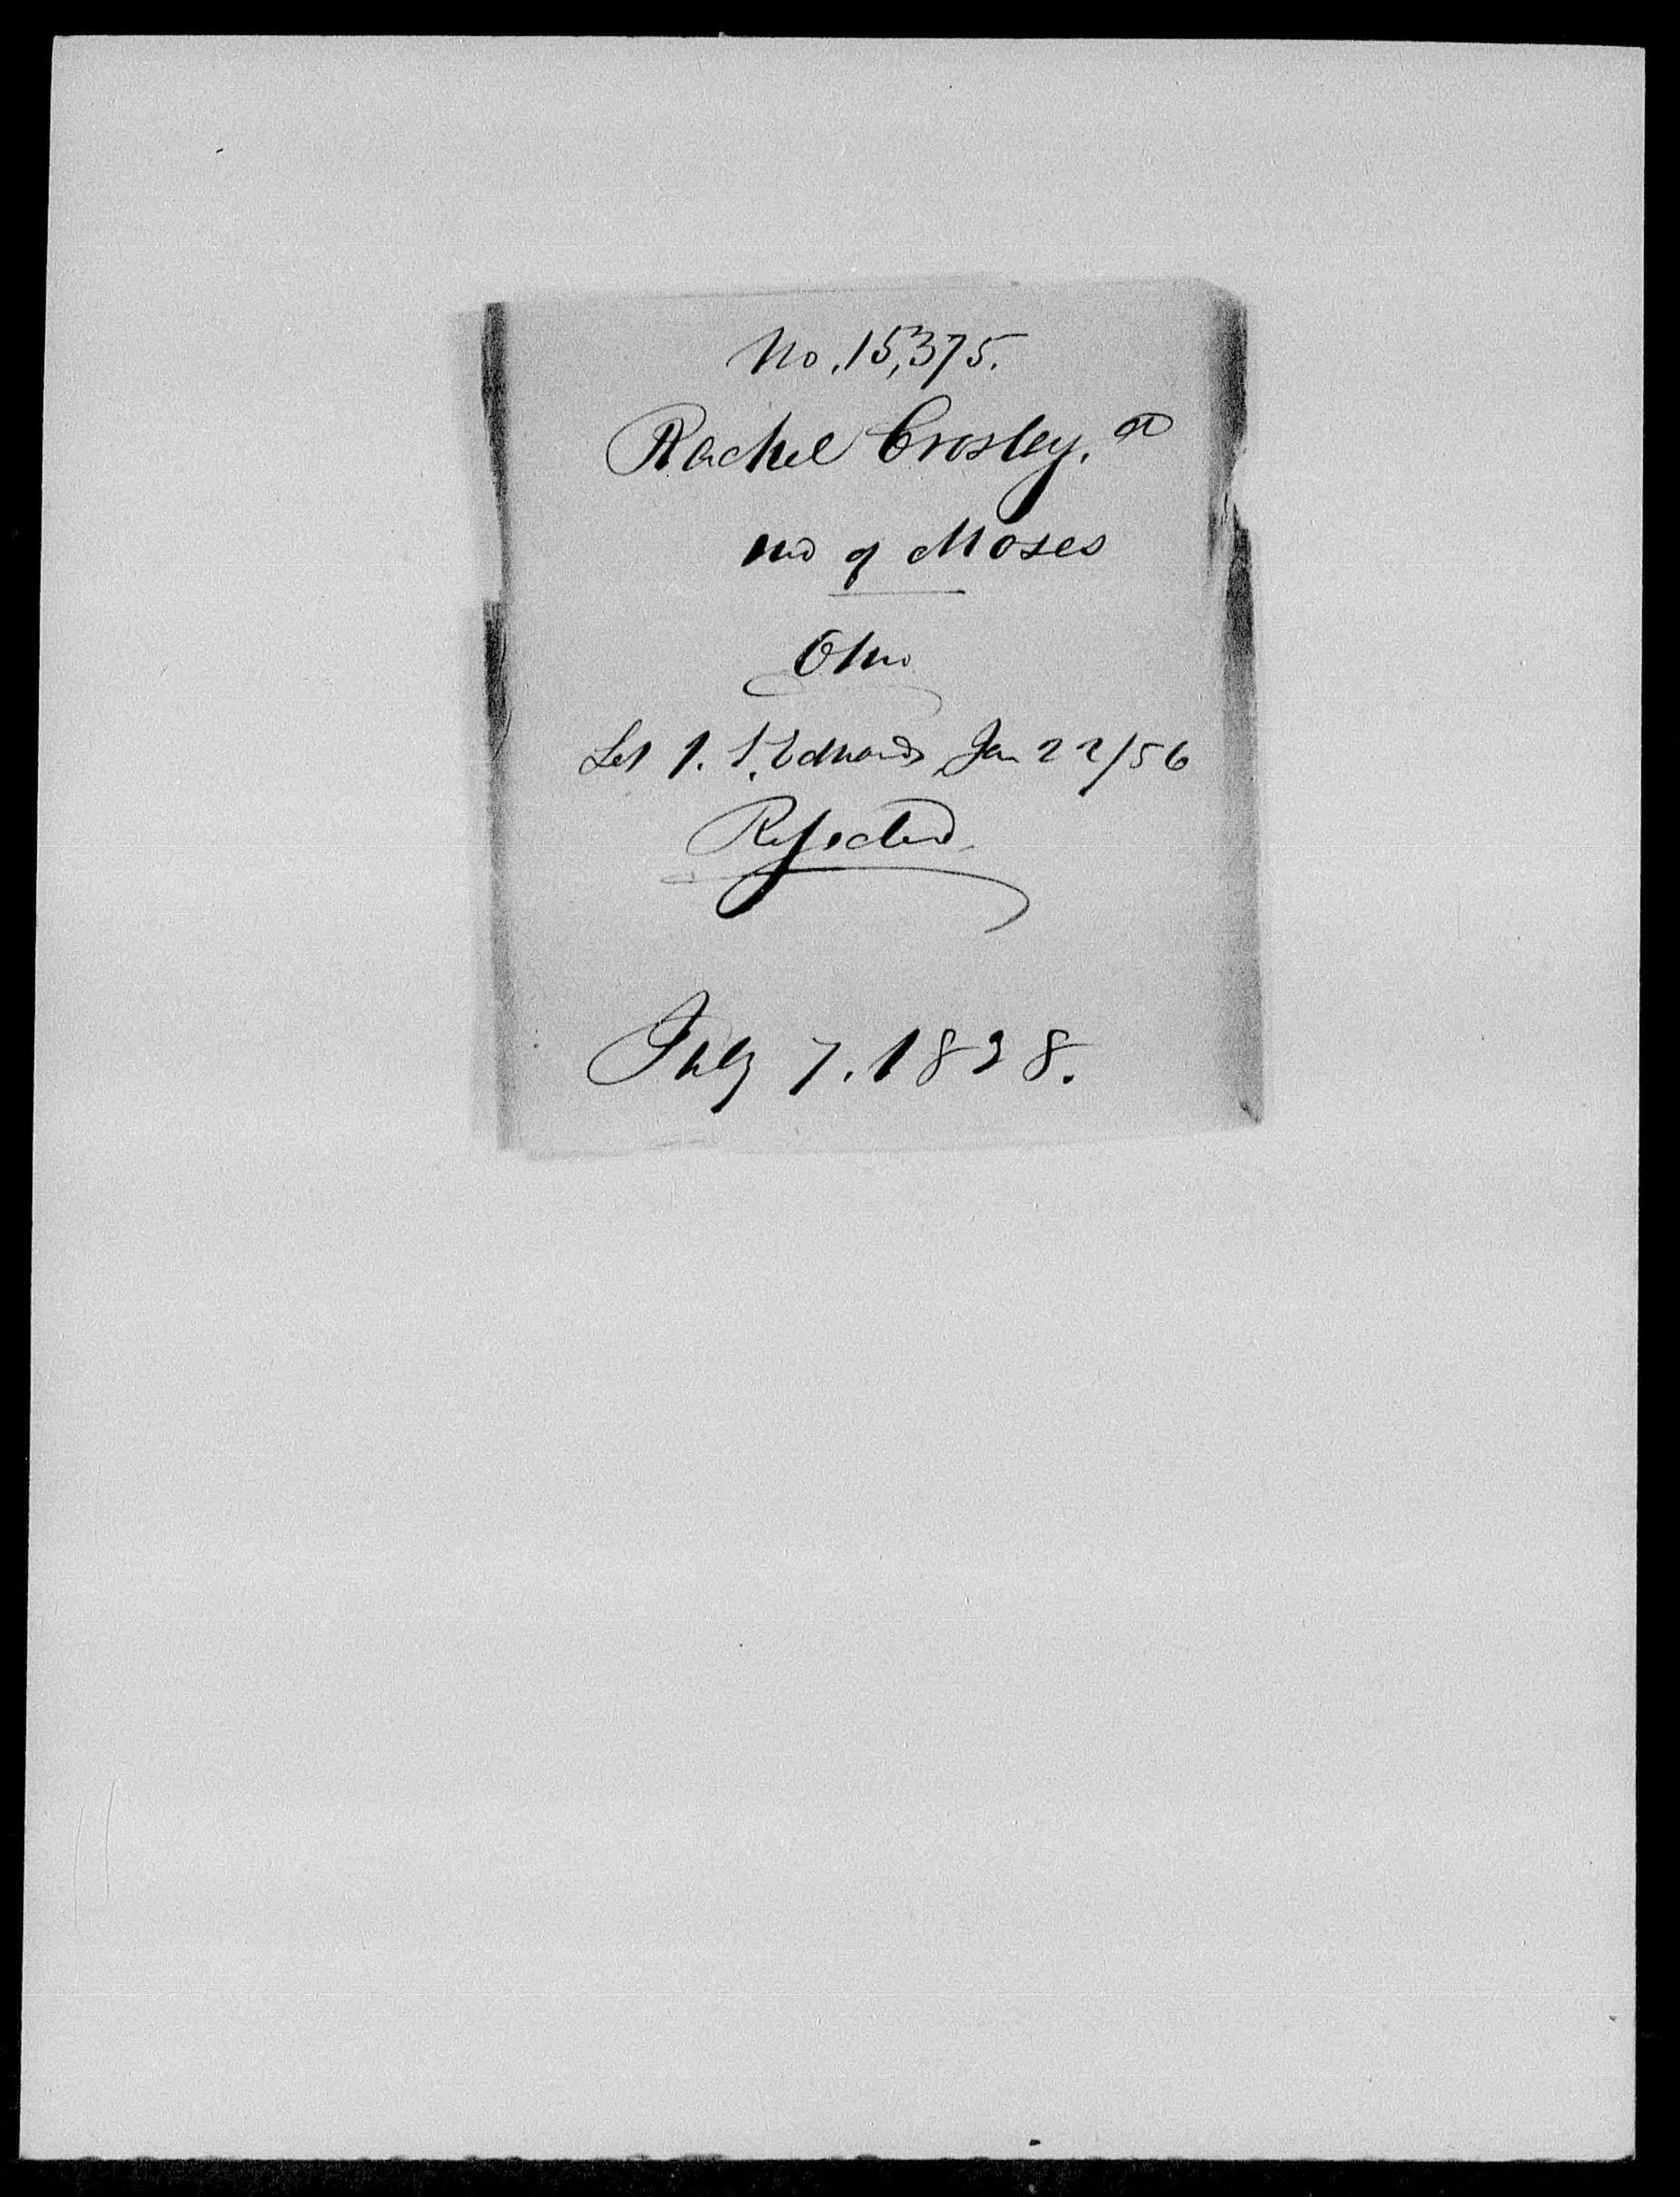No
15.375.
Rachel Crosley
Wid of Moses
Ohio
Let J. L. Edwards Jan 22/56
Rejected
July 7, 1838.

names: J L Edwards, Moses Crosley, Rachel Crosley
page: 27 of 37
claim: rejected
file: R. 2516, Moses Crosley, Md.